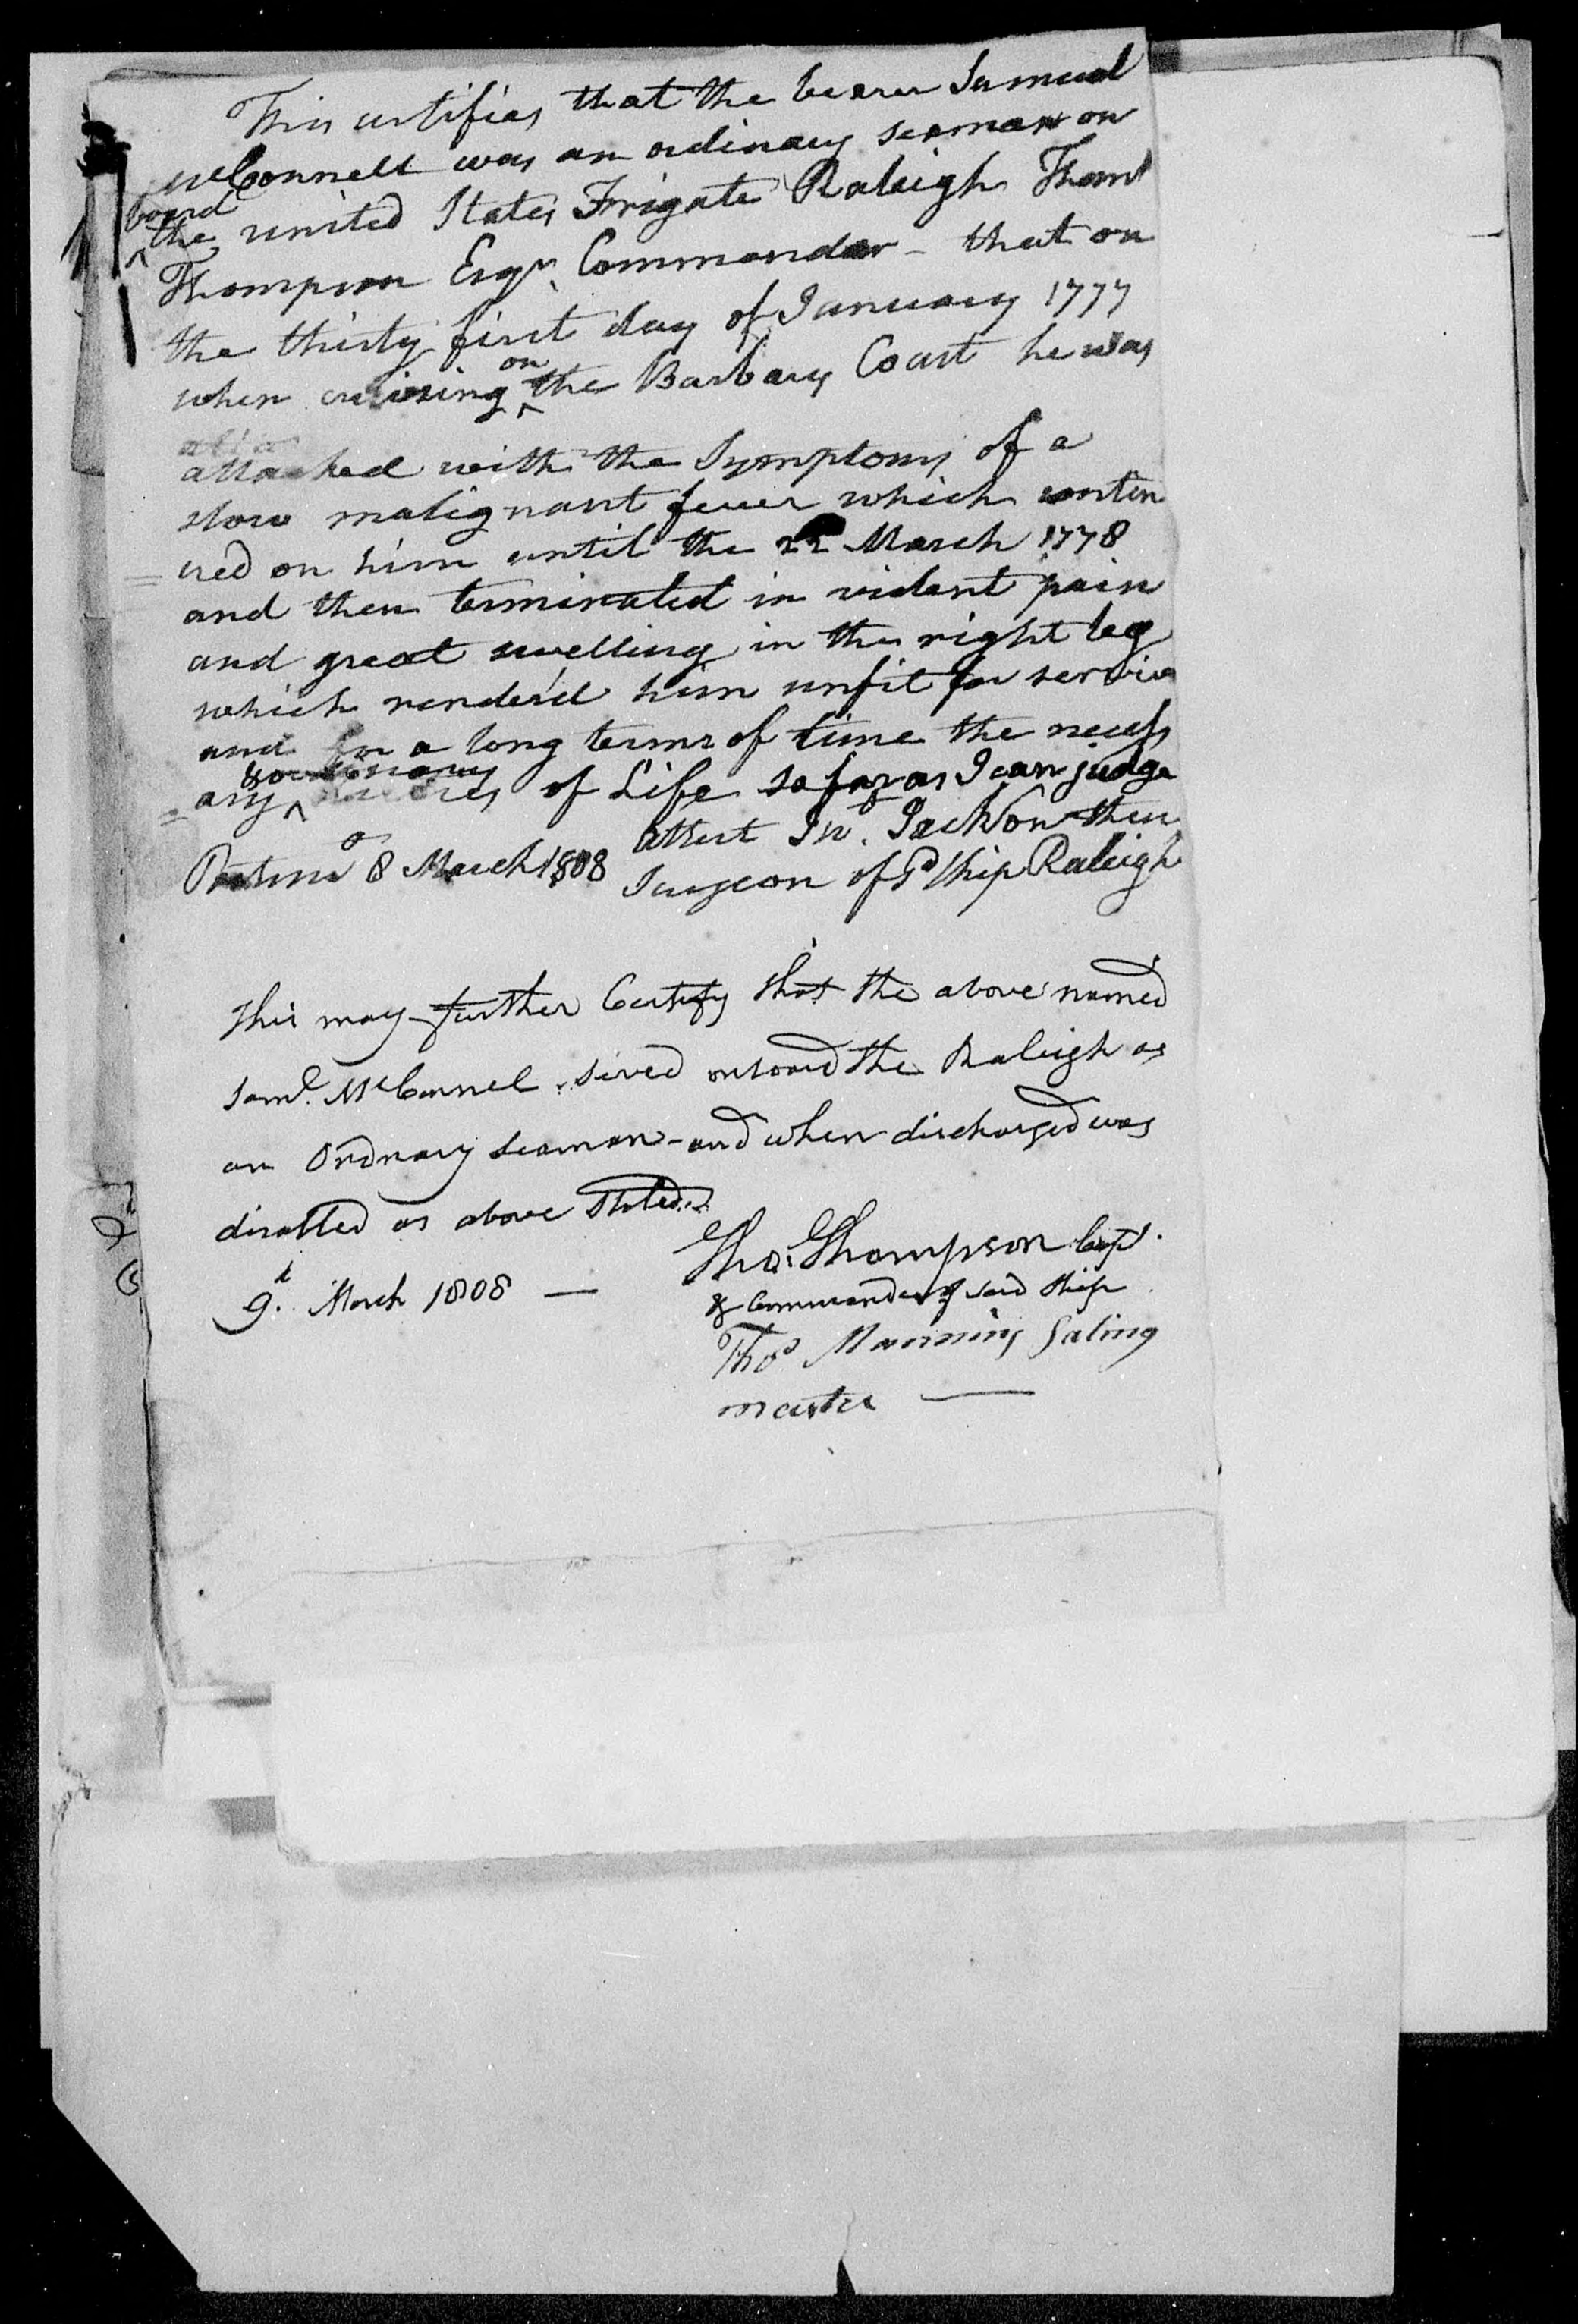This certifies that the bearer Samuel McConnell was an ordinary seaman on board the United States Frigate Raleigh Thom's Thompson Esq'r Commander - that on the thirty first day of January 1777 when cruising on the Barbary Coast he was attacked with the Symptoms of a slow malignant fever which continued on him until the 22 March 1778 and then terminated in violent pain and great swelling in the right leg which rendered him unfit for service and for a long terms of time the necessary & ordinary duties of Life so far as I can judge 
Postms 8 March 1808 
Attest /s/Jn'o Jackson then Surgeon of s'd ship Raleigh
This may further certify that the above named Sam'l McConnel served on board the Raleigh as an ordinary seaman - and when discharged was disabled as above stated.
9th March 1808 - /s/Tho. Thompson Capt & Commander of said ship
/s/Tho's Manning Sailing master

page: 11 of 18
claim: survivor's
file: S. 41,827, for Samuel Mc Connel, Vermont